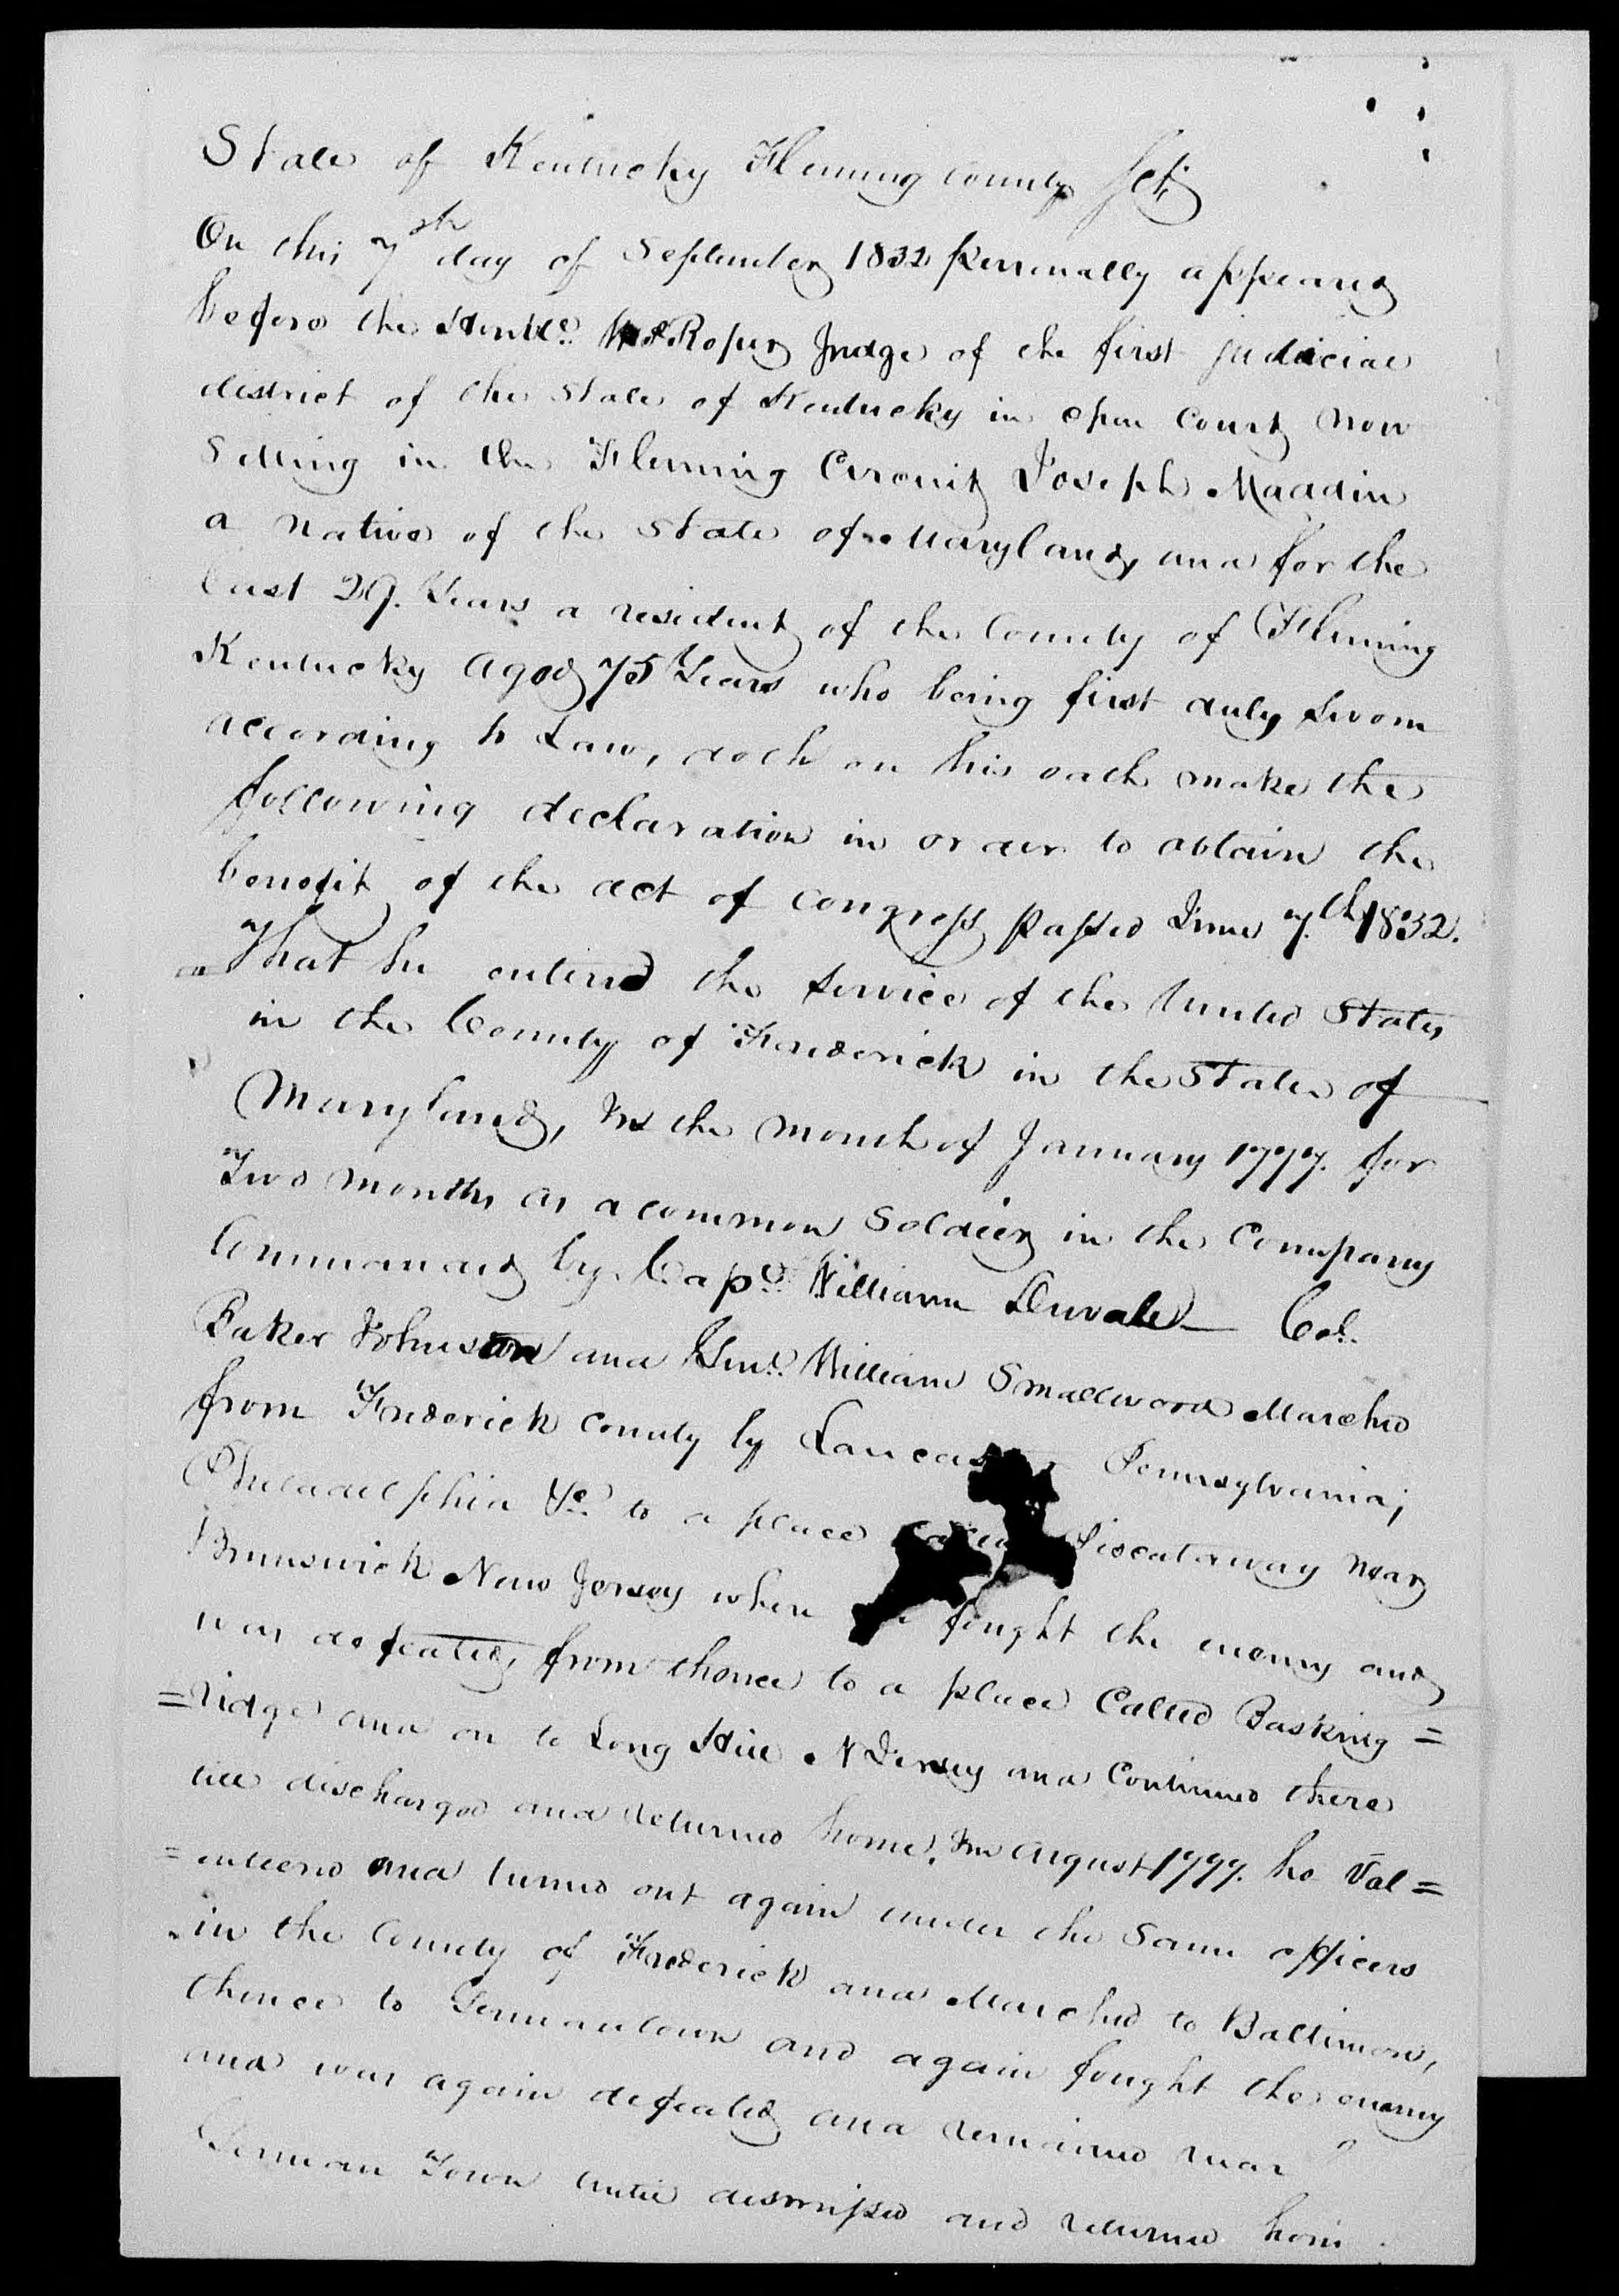State of Kentucky Fleming County [illegible]
On this 7th day of September 1832 personally appearing before the Honorable [illegible] Judge of the first Judicial district of the State of Kentucky in open court now sitting in the Fleming Circuit Joseph Maddin a native of the State of Maryland and for the last 29 years a resident of the County of Fleming Kentucky aged 75 years who being first duly sworn
according to Law, doth on his oath make the
following declaration in order to obtain the
benefit of the act of Congress passed June 7th 1832. That he entered the service of the United States in the County of Frederick in the State of Maryland, in the month of January 1777 for two months as a common soldier in the Company Commanded by Capt William Duval  - Col.  Baker Johnston and Genl William Smallwood Marched from Frederick County by Lancaster Pennsylvania; Philadelphia Pa to a place [illegible] Brunswick New Jersey when he fought the enemy and was defeated, from thence to a place called Basking Ridge
and on to Long Hill N Jersey and continued there till discharged and returned home in August 1777, he volunteered and turned out again under the same officers in the County of Frederick and marched to Baltimore, thence
to Germantown and again fought the enemy and was again defeated and remained [illegible] Germantown until dismissed and returned home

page: 3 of 14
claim: survivor's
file: S 31237, for Joseph Maddin, Maryland